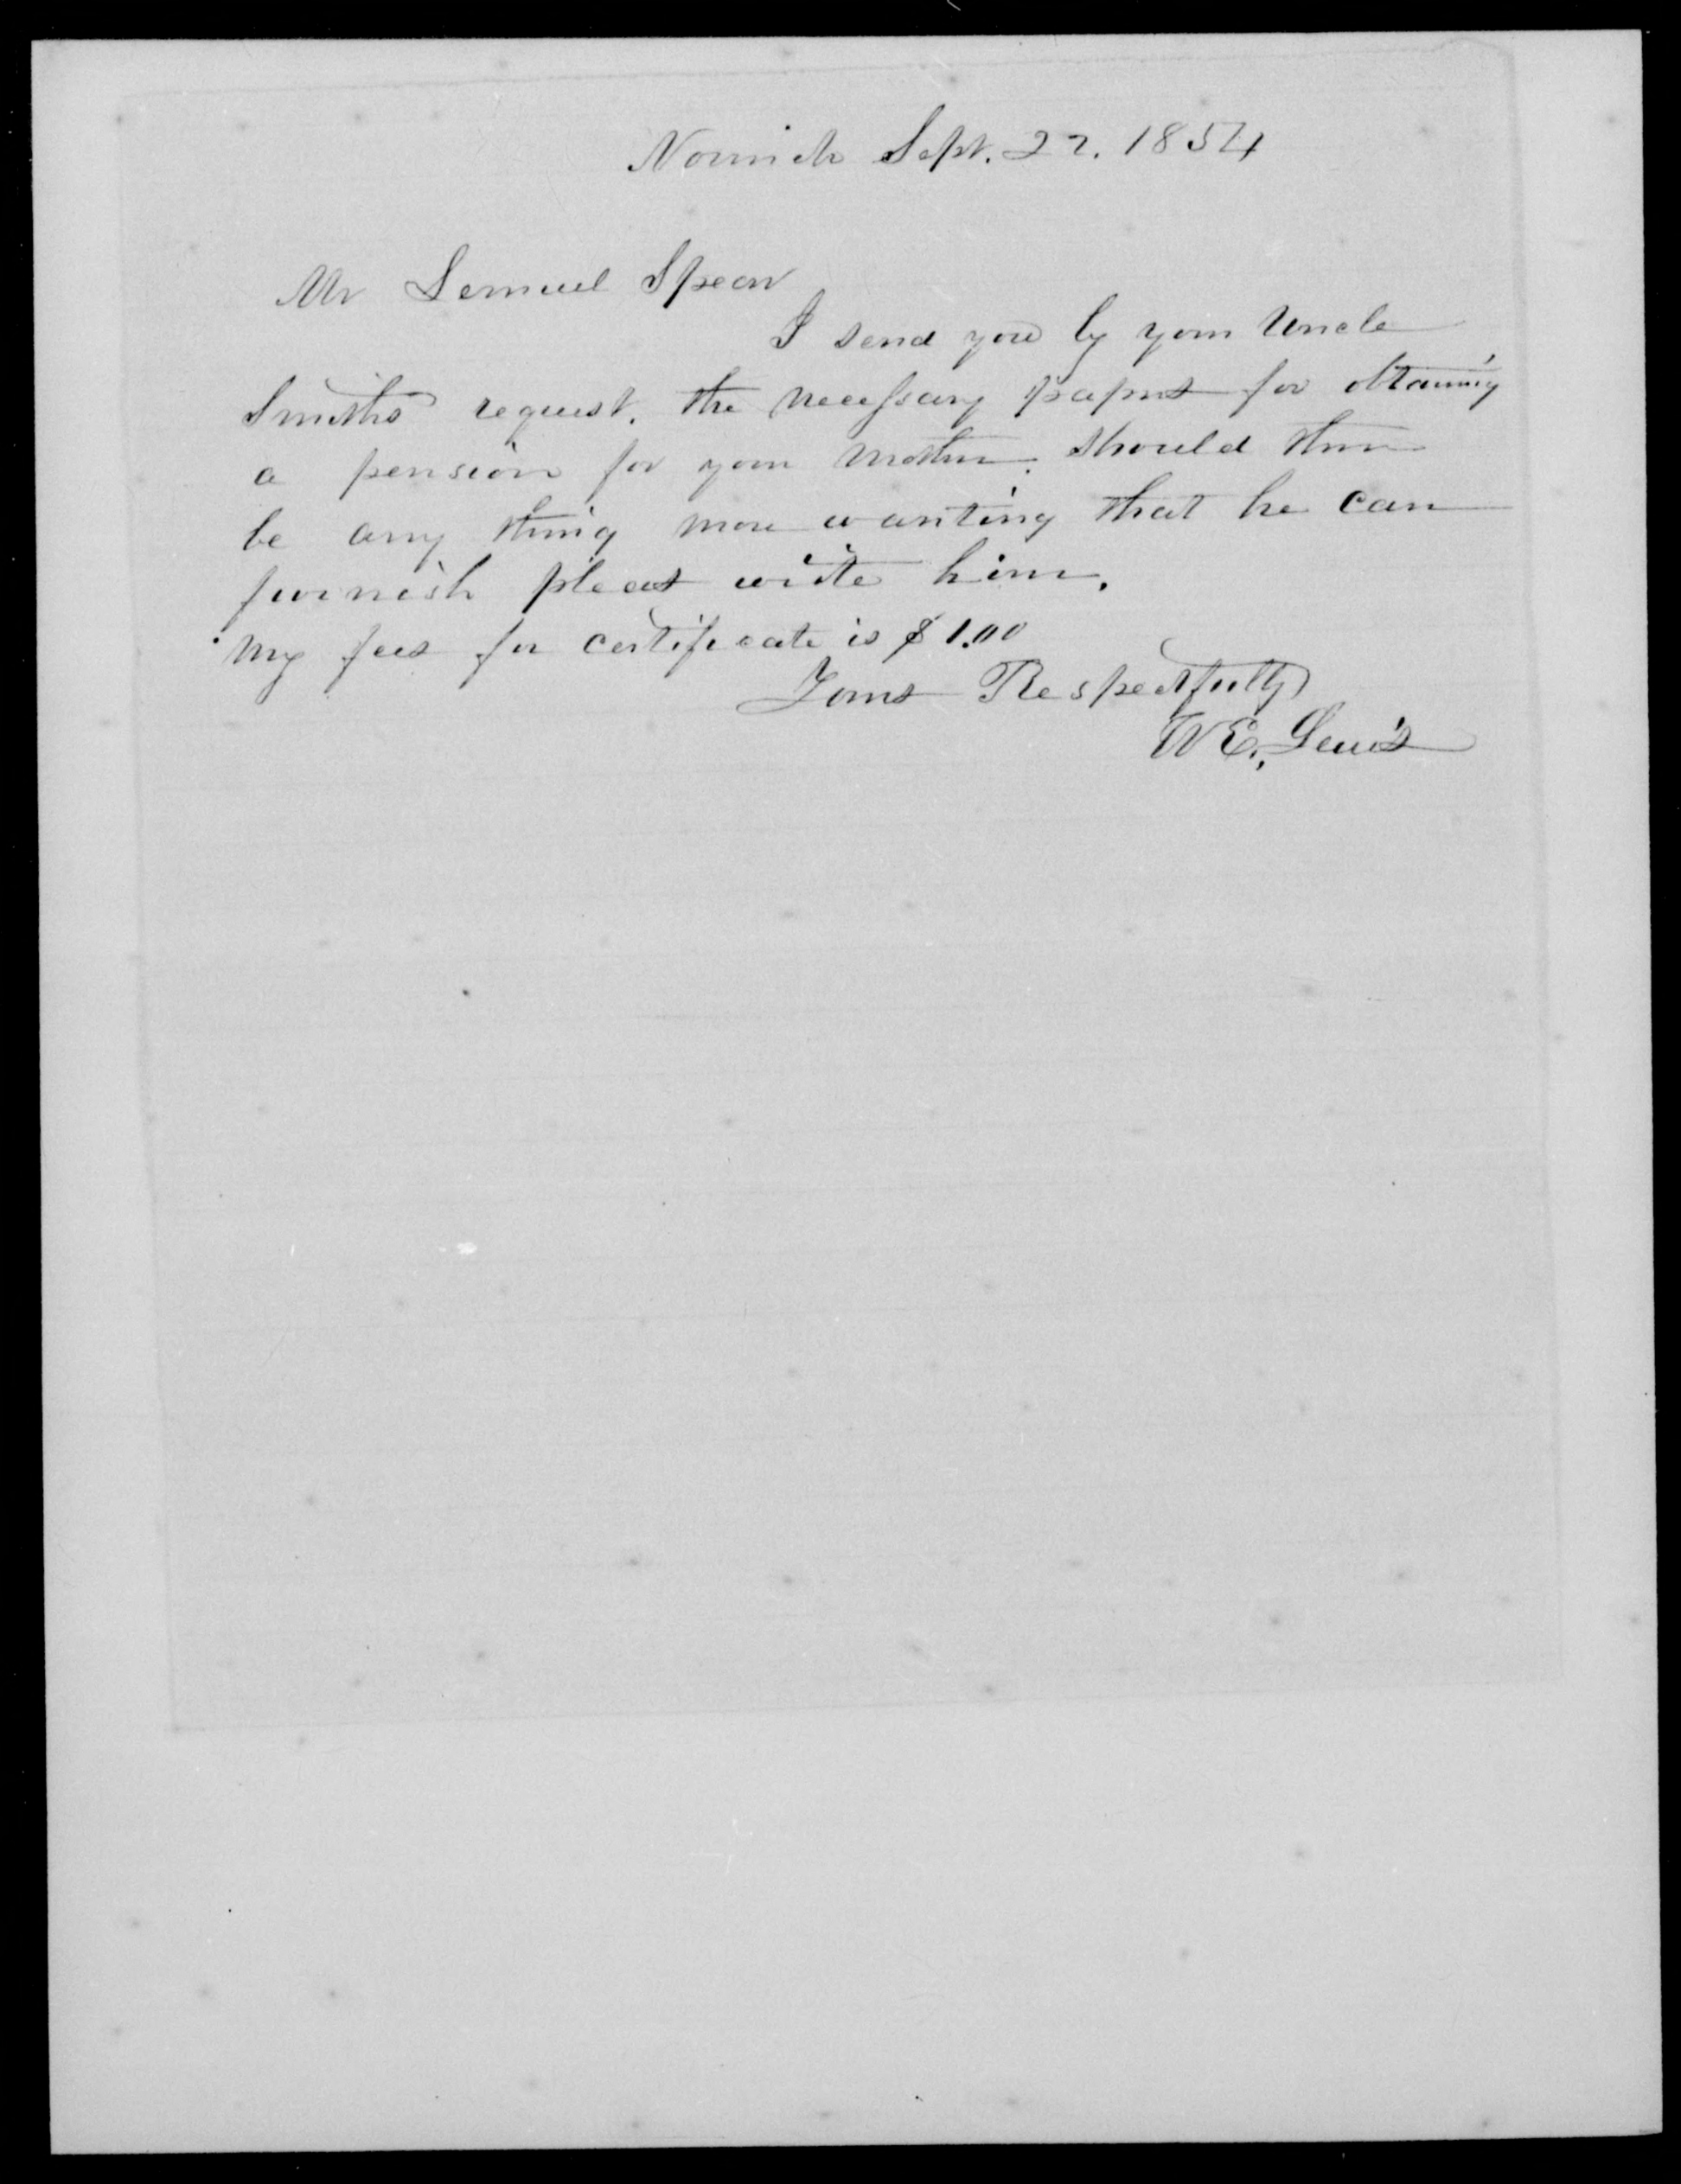Norwich Sept. 27, 1854
Mr Lemuel Spear
I send you by your Uncle
Smith's request, the necessary papers for obtaining
a pension for your mother should there
be any thing more wanting that he can
furnish pleas write him
my fees for certificate is $1.00
Yours Respectfully
W E Lewis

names: Lemuel Spear; [BLANK] Smith; W E Lewis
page: 38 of 65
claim: widow's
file: W. 7197, for Jonathan Spear, Vermont